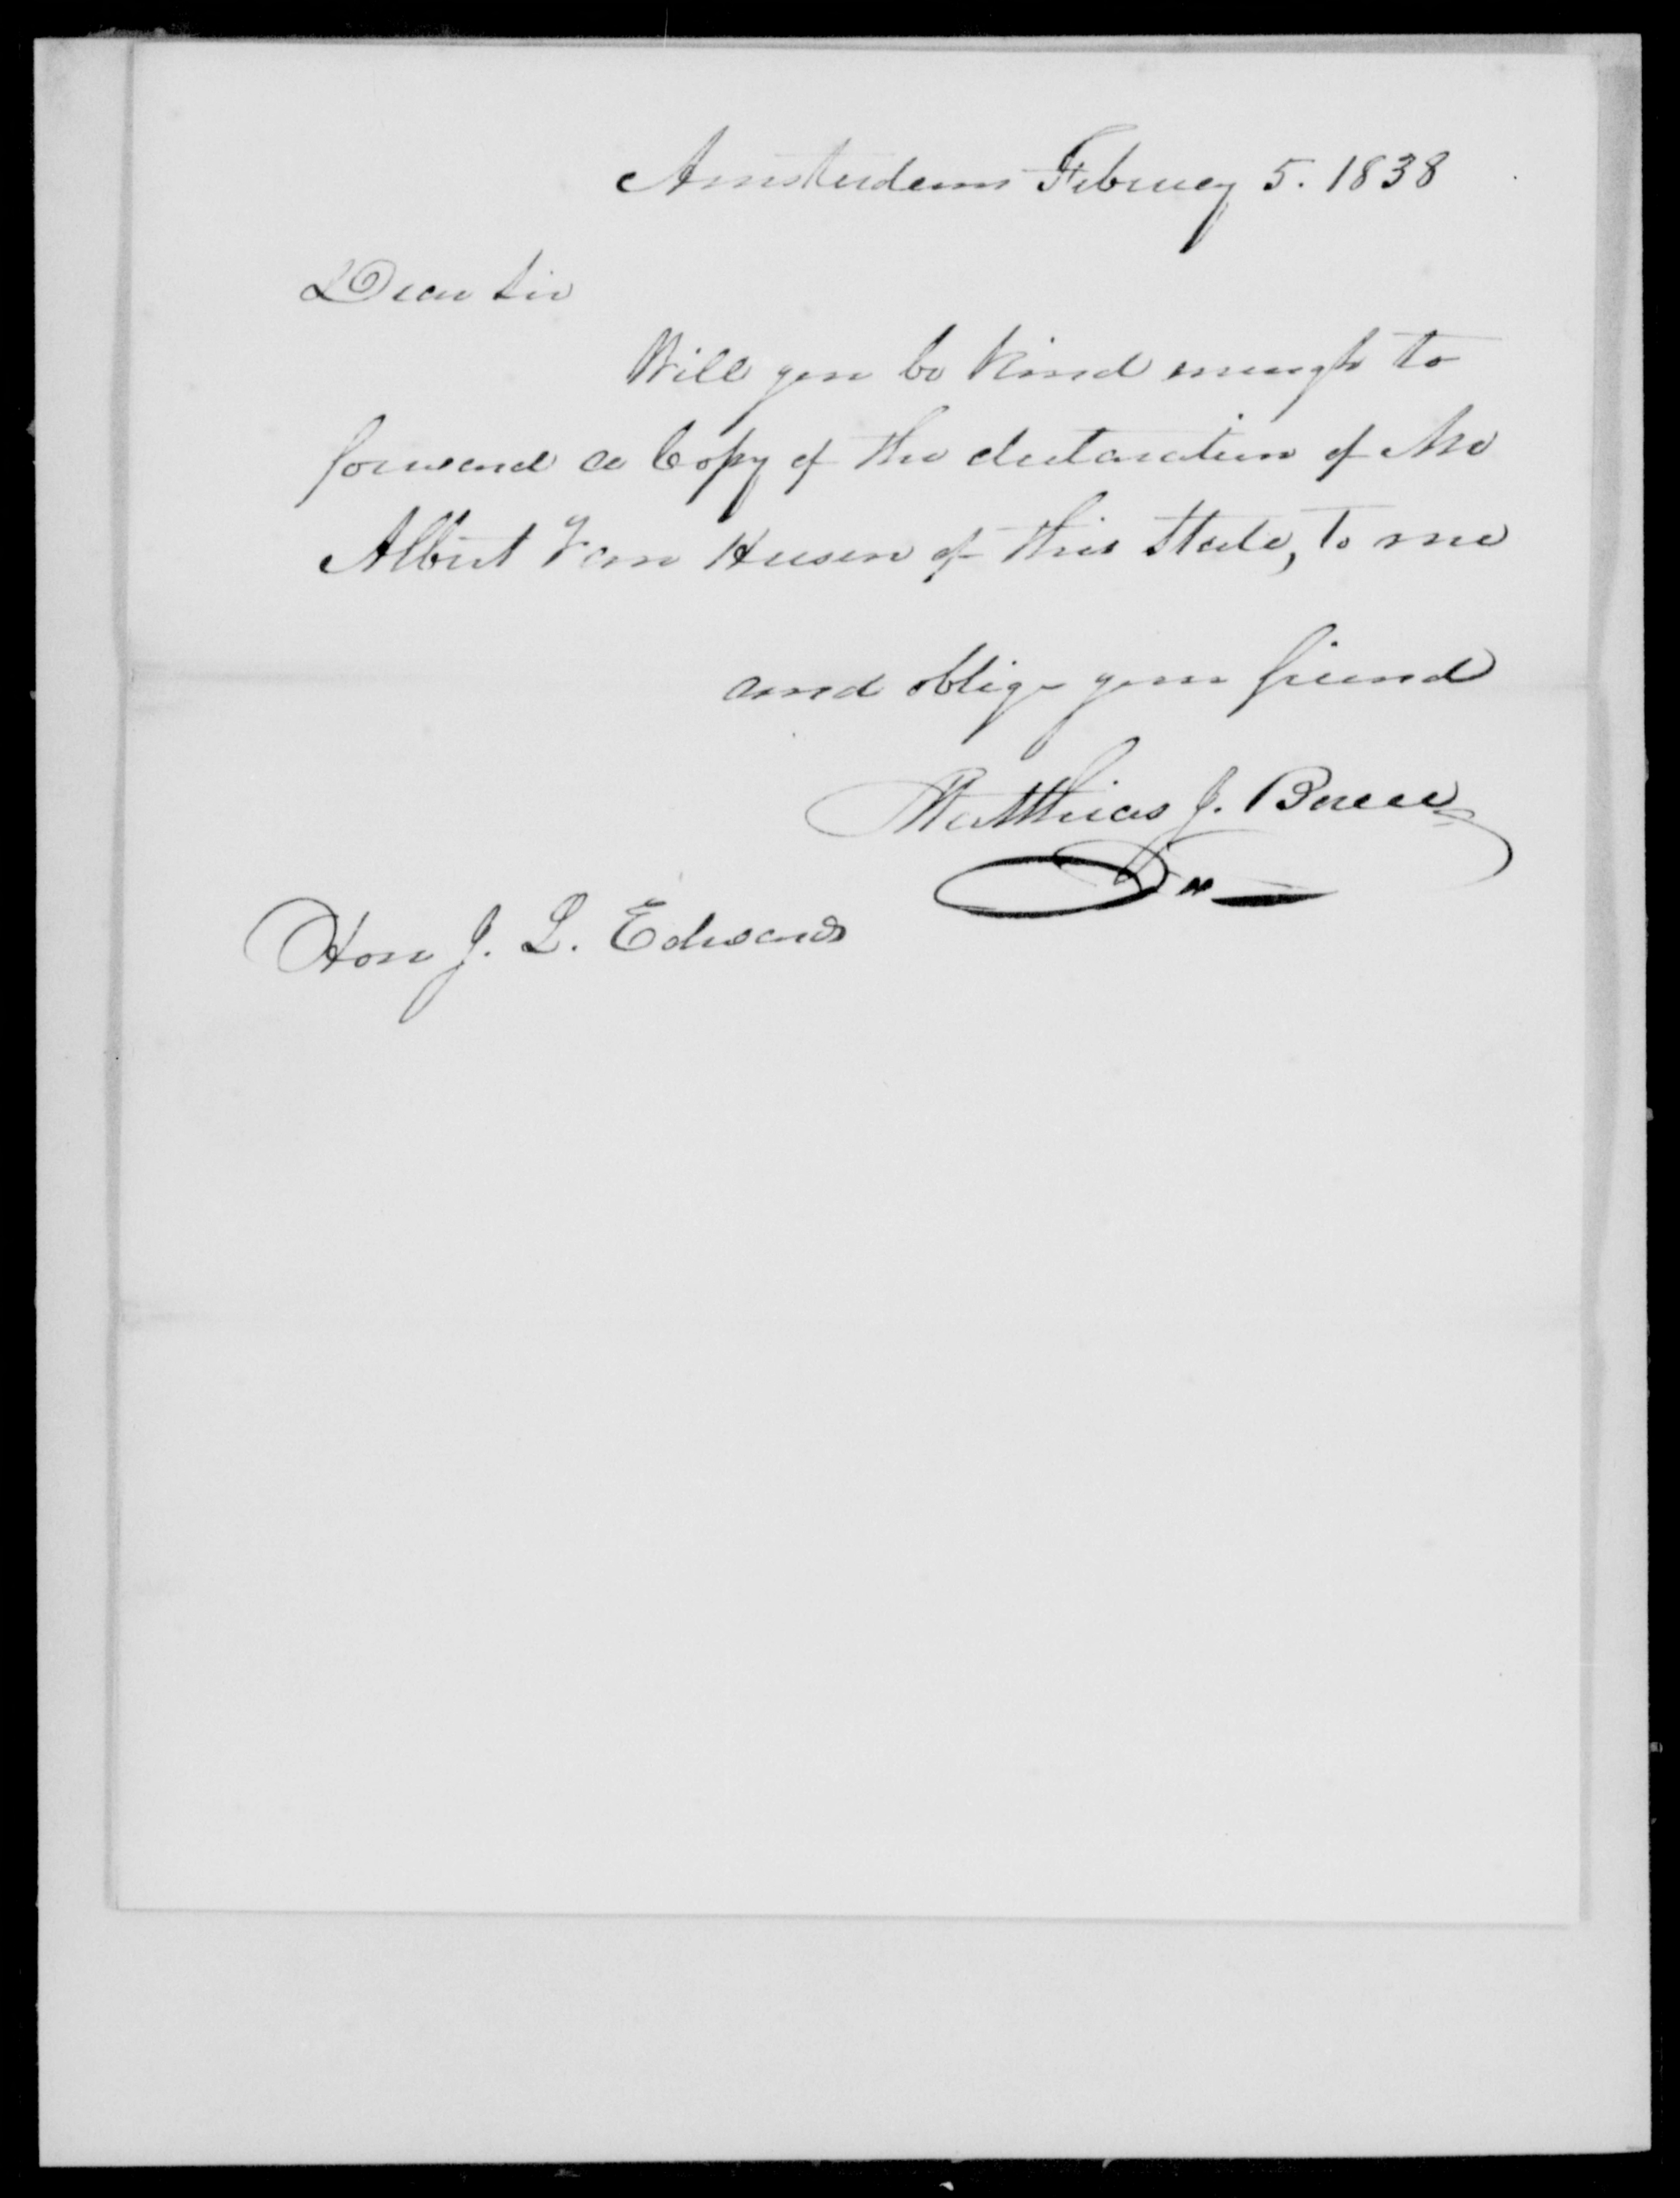Amsterdam February 5, 1838 
Dear Sir 
Will you be kind enough to forward a copy of the declaration of Mr Albert Van Husen of this State, to me 
and oblige your friend 
[signed] Matthias J. Bovee 

Hon J. L. Edwards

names: Albert Van Husen, J L Edwards, Matthias J Bovee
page: 23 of 57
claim: survivor's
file: S. 28,925, Albert Van Housen, New York